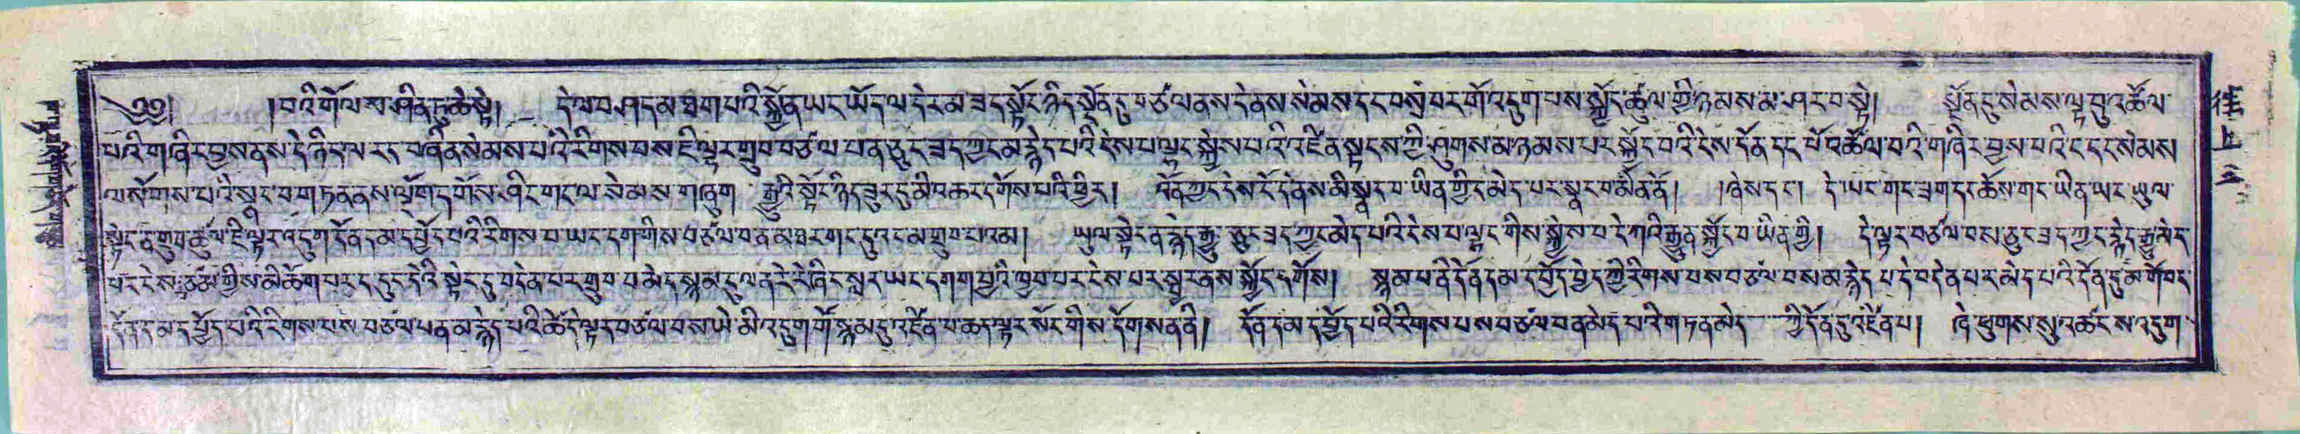བའི་གོལ་བ་ཤིན་ཏུ་ཆེ་སྟེ། དེ་ལ་བཤད་མ་ཐག་པའི་སྐྱོན་ཡང་ཡོད་ལ་དེར་མ་ཟད་སྟོང་ཉིད་སྔོན་དུ་བཙལ་ནས་དེ་ནས་སེམས་
དང་བསྲེ་བར་གོ་འདུག་པས་སྐྱོད་ཚུལ་གྱི་ཉམས་མི་ཤར་བ་སྟེ། སྔོན་དུ་སེམས་ལྟ་བུ་འཚོལ་པའི་གཞིར་བྱས་ནས་དེ་ཉིད་ལ་རང་བཞིན་སེམས་པའི་རིགས་པས་ཇི་ལྟར་གྲུབ་བཙལ་བ་ན་ཅུང་ཟད་
ཀྱང་མ་རྙེད་པའི་ངེས་པ་ལྷང་སྐྱེས་པའི་འཛིན་སྟངས་ཀྱི་ཤུགས་མཉམས་པར་སྐྱོང་བའི་ངེས་དོན་དང་པོ་འཚོལ་བའི་གཞིར་བྱས་པའི་ང་དང་སེམས་ལ་སོགས་པའི་སྣང་བ་གཏན་ནས་ལྡོག་དགོས་
ཤིང་གང་ལ་སེམས་གཞུག་རྒྱུའི་སྟོང་ཉིད་ཟུར་དུ་མི་འཆར་དགོས་པའི་ཕྱིར། འོན་ཀྱང་ངེས་ངོ་དེ་ནས་མི་སྣང་བ་ཡིན་གྱི་ང་མེད་པར་སྣང་བ་མིན་ནོ། །ཞེས་དང་། དེ་ཡང་གང་ཟག་དང་༄༅། །ཆོས་གང་ཡིན་ཡང་ཡུལ་སྟེང་ན་གྲུབ་ཚུལ་ཇི་ལྟར་འདུག་དོན་དམ་དཔྱོད་པའི་རིགས་པ་ཡང་དག་གིས་བཙལ་བ་ན་མཐར་གང་དུའང་མ་གྲུབ་པའམ། ཡུལ་སྟེང་ན་རྙེད་རྒྱུ་ཅུང་
ཟད་ཀྱང་མེད་པའི་ངེས་པ་ལྷང་གིས་སྐྱེས་པ་དེ་ཀའི་རྒྱུན་སྐྱོང་བ་ཡིན་གྱི། དེ་ལྟར་བཙལ་བས་ཅུང་ཟད་ཀྱང་རྙེད་རྒྱུ་མེད་པར་ངེས་པ་ཙམ་གྱིས་མི་ཆོག་པར་ད་དུད་དེའི་སྟེང་དུ་བདེན་པར་གྲུབ་པ་མེད་
སྙམ་དུ་ལན་རེ་རེ་ཞིང་སླར་ཡང་དགག་བྱའི་ཁྱབ་པར་ངེས་པར་སྦྱར་ནས་སྦྱོང་དགོས། སྙམ་པ་ནི་དོན་དམ་དཔྱོད་བྱེད་ཀྱི་རིགས་པས་བཙལ་བས་མ་རྙེད་པ་དེ་བདེན་པར་མེད་པའི་དོན་དུ་མ་གོ་བར་
དོན་དམ་དཔྱོད་པའི་རིགས་པས་བཙལ་བ་ན་མ་རྙེད་པའི་ཚེ་དེ་ལྟར་བཙལ་བས་ཡེ་མི་འདུག་གོ་སྙམ་དུ་འཛིན་པ་ཆད་ལྟར་སོང་གིས་དོགས་ན་ནི། དོན་དམ་དཔྱོད་པའི་རིགས་པས་བཙལ་བ་ན་མེད་
པའི་གཏན་མེད་ཀྱི་དོན་དུ་འཛིན་པ། ཞེ་ཕུགས་སུ་འཚངས་འདུག་